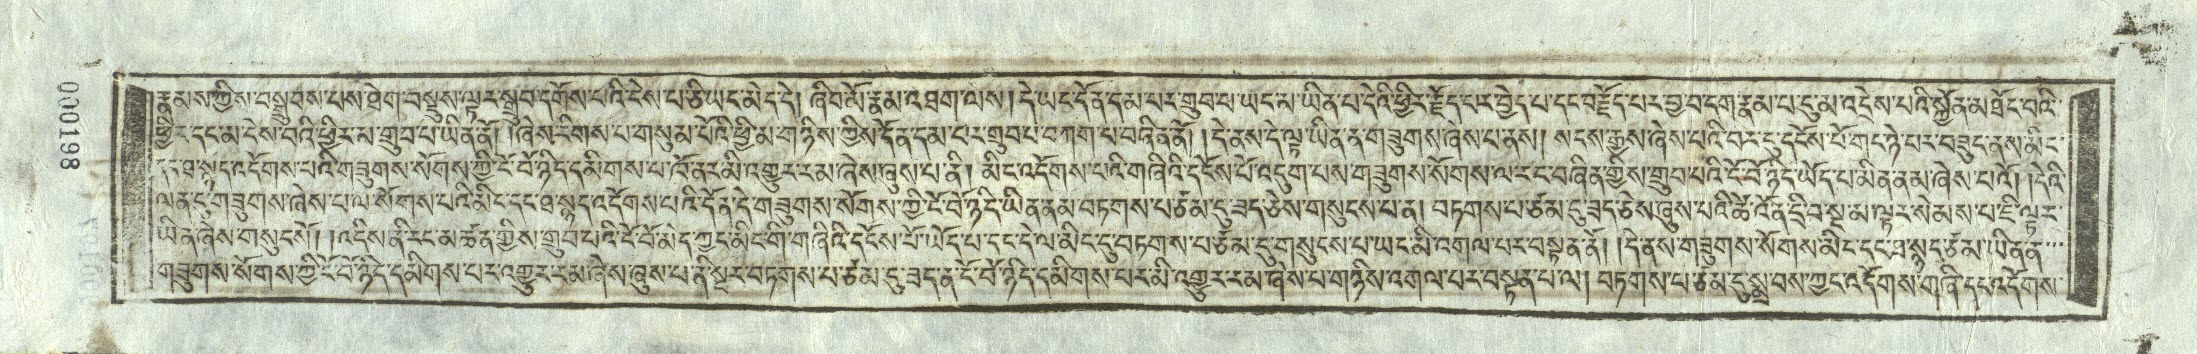རྣམས་ཀྱིས་བསྒྲུབས་པས་ཐེག་བསྡུས་ལྟར་སྒྲུབ་དགོས་པའི་ངེས་པ་ཅི་ཡང་མེད་དེ། ཞིབ་མོ་རྣམ་འཐག་ལས། དེ་ཡང་དོན་དམ་པར་གྲུབ་པ་ཡང་མ་ཡིན་པ་དེའི་ཕྱིར་རྗོད་པར་བྱེད་པ་དང་བརྗོད་པར་བྱ་བ་དག་རྣམ་པ་དུ་མ་འདྲེས་པའི་སྐྱོན་མཐོང་བའི་
ཕྱིར་དང་མ་ངེས་པའི་ཕྱིར་མ་གྲུབ་པ་ཡིན་ནོ། །ཞེས་རིགས་པ་གསུམ་པོའི་ཕྱི་མ་གཉིས་ཀྱིས་དོན་དམ་པར་གྲུབ་པ་བཀག་པ་བཞིན་ནོ། །དེ་ནས་དེ་ལྟ་ཡིན་ན་གཟུགས་ཞེས་པ་ནས། སངས་རྒྱས་ཞེས་པའི་བར་དུ་དངོས་པོ་གང་ཉེ་བར་བཟུང་ནས་མིང་
དང་ཐ་སྙད་འདོགས་པའི་གཟུགས་སོགས་ཀྱི་ངོ་བོ་ཉིད་དམིགས་པ་ཁོ་ནར་མི་འགྱུར་རམ་ཞེས་ཞུས་པ་ནི། མིང་འདོགས་པའི་གཞིའི་དངོས་པོ་འདུག་པས་གཟུགས་སོགས་ལ་རང་བཞིན་གྱིས་གྲུབ་པའི་ངོ་བོ་ཉིད་ཡོད་པ་མིན་ནམ་ཞེས་པའོ། །དེའི་
ལན་དུ་གཟུགས་ཞེས་པ་ལ་སོགས་པའི་མིང་དང་ཐ་སྙད་འདོགས་པའི་དོན་དེ་གཟུགས་སོགས་ཀྱི་ངོ་བོ་ཉིད་ཡིན་ནམ་བཏགས་པ་ཙམ་དུ་ཟད་ཅེས་གསུངས་པ་ན། བཏགས་པ་ཙམ་དུ་ཟད་ཅེས་ཞུས་པའི་ཚེ་འོ་ན་དྲི་བ་སྔ་མ་ལྟར་སེམས་པ་ཇི་ལྟར་
ཡིན་ཞེས་གསུངས་སོ། །འདིས་ནི་རང་མཚན་གྱིས་གྲུབ་པའི་ངོ་བོ་མེད་ཀྱང་མིང་གི་གཞིའི་དངོས་པོ་ཡོད་པ་དང་དེ་ལ་མིང་དུ་བཏགས་པ་ཙམ་དུ་གསུངས་པ་ཡང་མི་འགལ་བར་བསྟན་ནོ། །དེ་ནས་གཟུགས་སོགས་མིང་དང་ཐ་སྙད་ཙམ་ཡིན་ན་
གཟུགས་སོགས་ཀྱི་ངོ་བོ་ཉིད་དམིགས་པར་འགྱུར་རམ་ཞེས་ཞུས་པ་ནི་སྔར་བཏགས་པ་ཙམ་དུ་ཟད་ན་ངོ་བོ་ཉིད་དམིགས་པར་མི་འགྱུར་རམ་ཞེས་པ་གཉིས་འགལ་བར་བསྟན་པ་ལ། བཏགས་པ་ཙམ་དུ་སྨྲ་བས་ཀྱང་འདོགས་གཞི་དང་འདོགས་